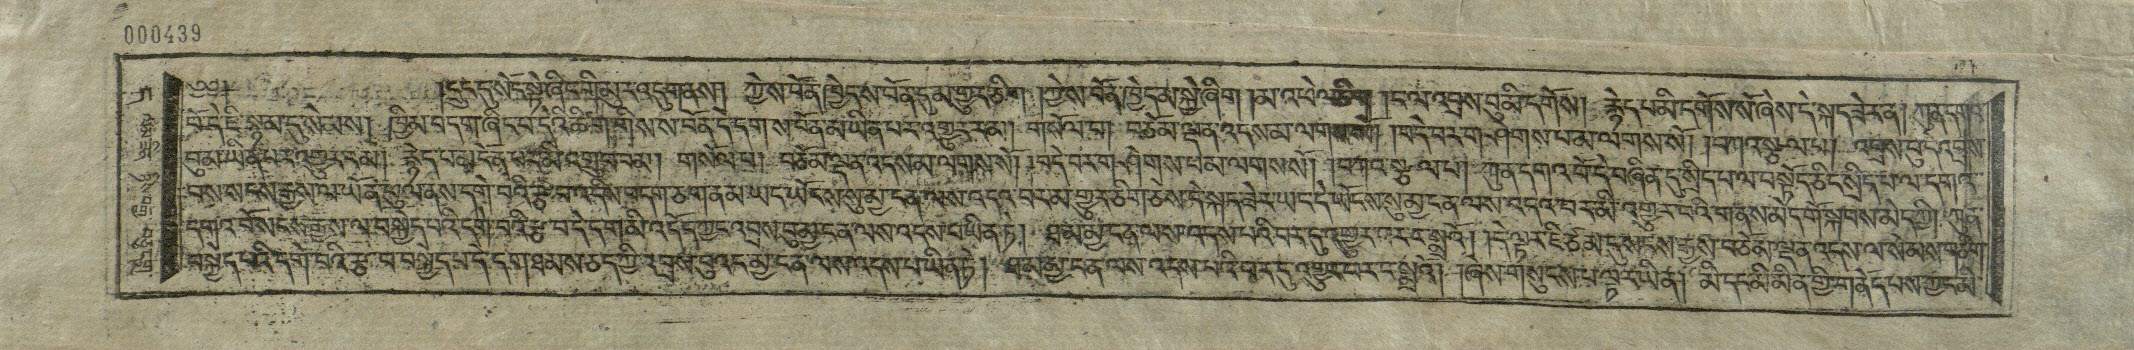༄༅། །དྲུང་དུ་སོང་སྟེ་ཞིང་གི་མུར་འདུག་ནས། ཀྱེ་ས་བོན་ཁྱེད་ས་བོན་དུ་མ་གྱུར་ཅིག །ཀྱེ་ས་བོན་ཁྱེད་མ་སྐྱེ་ཞིག །མ་འཕེལ་ཅིག །ང་ལ་འབྲས་བུ་མི་དགོས། རྙེད་པ་མི་དགོས་སོ་ཞེས་དེ་སྐད་ཟེར་ན། ཀུན་དགའ་
བོ་དེ་ཇི་སྙམ་དུ་སེམས། ཁྱིམ་བདག་ཞིང་པ་དེའི་ཚིག་གིས་ས་བོན་དེ་དག་ས་བོན་མ་ཡིན་པར་འགྱུར་རམ། གསོལ་བ། བཅོམ་ལྡན་འདས་མ་ལགས་སོ། །བདེ་བར་གཤེགས་པ་མ་ལགས་སོ། །བཀའ་སྩལ་པ། འབྲས་བུ་དེ་འབྲས་
བུ་མ་ཡིན་པར་འགྱུར་རམ། རྙེད་པ་མངོན་པར་མི་འགྲུབ་བམ། གསོལ་པ། བཅོམ་ལྡན་འདས་མ་ལགས་སོ། །བདེ་བར་གཤེགས་པ་མ་ལགས་སོ། །བཀའ་སྩལ་པ། ཀུན་དགའ་བོ་དེ་བཞིན་དུ་སྲིད་པ་ལ་བསྟོད་ཅིང་སྲིད་པ་ལ་དགའ་
བས་སངས་རྒྱས་ལ་ཡོན་ཕུལ་ནས་དགེ་བའི་རྩ་བ་འདིས་བདག་ཅག་ནམ་ཡང་ཡོངས་སུ་མྱ་ངན་ལས་འདའ་བར་མ་གྱུར་ཅིག་ཅེས་དེ་སྐད་ཟེར་ཡང་དེ་ཡོངས་སུ་མྱ་ངན་ལས་འདའ་བར་མི་འགྱུར་བའི་གནས་མེད་གོ་སྐབས་མེད་ཀྱི། ཀུན་
དགའ་བོ་སངས་རྒྱས་ལ་བསྐྱེད་པའི་དགེ་བའི་རྩ་བ་དེ་དག་མི་འདོད་ཀྱང་འབྲས་བུ་མྱ་ངན་ལས་འདས་པ་ཡིན་ཏེ། ཐ་མ་མྱ་ངན་ལས་འདས་པའི་བར་དུ་འགྱུར་བར་ང་སྨྲའོ། །དེ་ལྟར་ཇི་ཙམ་དུ་སངས་རྒྱས་བཅོམ་ལྡན་འདས་ལ་སེམས་གཅིག་
བསྐྱེད་པའི་དགེ་བའི་རྩ་བ་བསྐྱེད་པ་དེ་དག་ཐམས་ཅད་ཀྱི་འབྲས་བུའང་མྱ་ངན་ལས་འདས་པ་ཡིན་ཏེ། ཐ་མ་མྱ་ངན་ལས་འདས་པའི་བར་དུ་འགྱུར་བར་ང་སྨྲའོ། །ཞེས་གསུངས་པ་ལྟར་ཡིན། མི་དང་མི་མིན་གྱི་གནོད་པས་ཀྱང་མི་